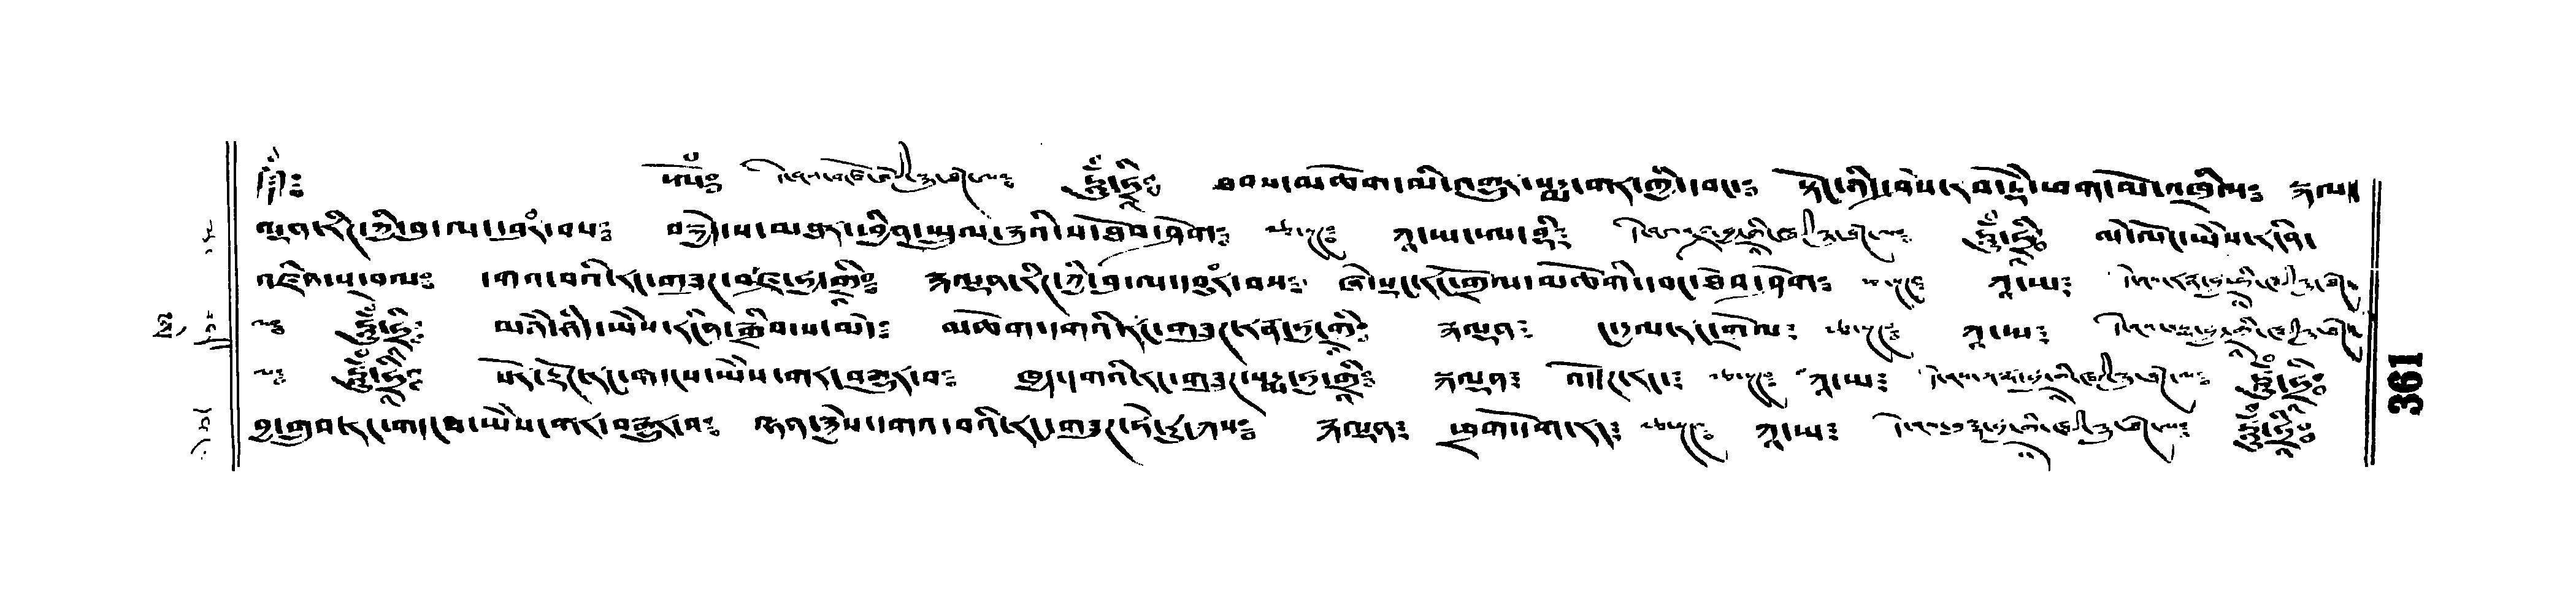ཨོཾ༔ དེ་ནས་གཙོ་བོའི་སྐུ་ཐོགས་ལ༔ ཧཱུྃ་ཧྲཱིཿ ཐབས་མཆོག་མི་འགྱུར་པདྨ་གར་གྱི་དབང་ཿསྟོང་ཉིད་ཤེས་རབ་རྡོ་རྗེ་ཕག་མོ་འཁྲིལ༔ སྐལ་
ལྡན་རིགས་ཀྱི་བུ་ལ་དབང་བསྐུར་བས༔ བསྐྱེད་པ་མཐར་ཕྱིན་སྤྲུལ་སྐུའི་ས་ཐོབ་ཤོག༔ རྩ་སྔགས༔ ཀཱ་ཡ་ཨ་བྷི༴ དེ་ནས་བཛྲ་ཧྱ་གྲཱི་ཝའི་སྐུ་ཐོགས་ལ༔ ཧཱུྃ་ཧྲཱིཿ མེ་ལོང་ཡེ་ཤེས་རང་བཞིན་
འཛིན་པ་བྲལ༔ དགའ་བའི་རང་གཟུགས་བཛྲ་ཧྱ་གྲཱི༔ སྐལ་ལྡན་རིགས་ཀྱི་བུ་ལ་དབང་བསྐུར་བས༔ ཞེ་སྡང་རང་གྲོལ་མཆོག་གི་དབང་ཐོབ་ཤོག༔ རྩ་སྔགས༔ ཀཱ་ཡ༴ དེ་ནས་རཏྣ་ཧྱ་གྲཱི་ཝའི་སྐུ་ཐོགས་
ལ༔ ཧཱུྃ་ཧྲཱིཿ མཉམ་ཉིད་ཡེ་ཤེས་རང་བཞིན་སྒྲིབ་པ་མེད༔ མཆོག་དགའི་རང་གཟུགས་རཏྣ་ཧྱ་གྲཱི༔ སྐལ་ལྡན༴ ང་རྒྱལ་རང་གྲོལ༴ རྩ་སྔགས༔ ཀཱ་ཡ༴ དེ་ནས་པདྨ་ཧྱ་གྲཱི་ཝའི་སྐུ་ཐོགས་
ལ༔ཧཱུྃ་ཧྲཱིཿ སོར་རྟོགས་རང་གདངས་ཡེ་ཤེས་གར་བསྒྱུར་བ༔ ཁྱད་དགའི་རང་གཟུགས་པདྨ་ཧྱ་གྲཱིཿ སྐལ་ལྡན༴ འདོད་ཆགས་རང༴ རྩ་སྔགས༔ ཀཱ་ཡ༴ དེ་ནས་ཀརྨ་ཧྱ་གྲཱི་ཝའི་སྐུ་ཐོགས་ལ༔ ཧཱུྃ་ཧྲཱིཿ 
བྱ་གྲུབ་རང་གདངས་ཡེ་ཤེས་གར་བསྒྱུར་བ༔ ལྷན་སྐྱེས་དགའ་བའི་རང་གཟུགས་ཧེ་རུ་ཀས༔ སྐལ་ལྡན༴ ཕྲག་དོག་རང༴ རྩ་སྔགས༴ ཀཱ་ཡ༴ དེ་ནས་བུདྡྷ་ཧྱ་གྲཱི་ཝའི་སྐུ་ཐོགས་ལ༔ ཧཱུྃ་ཧྲཱིཿ